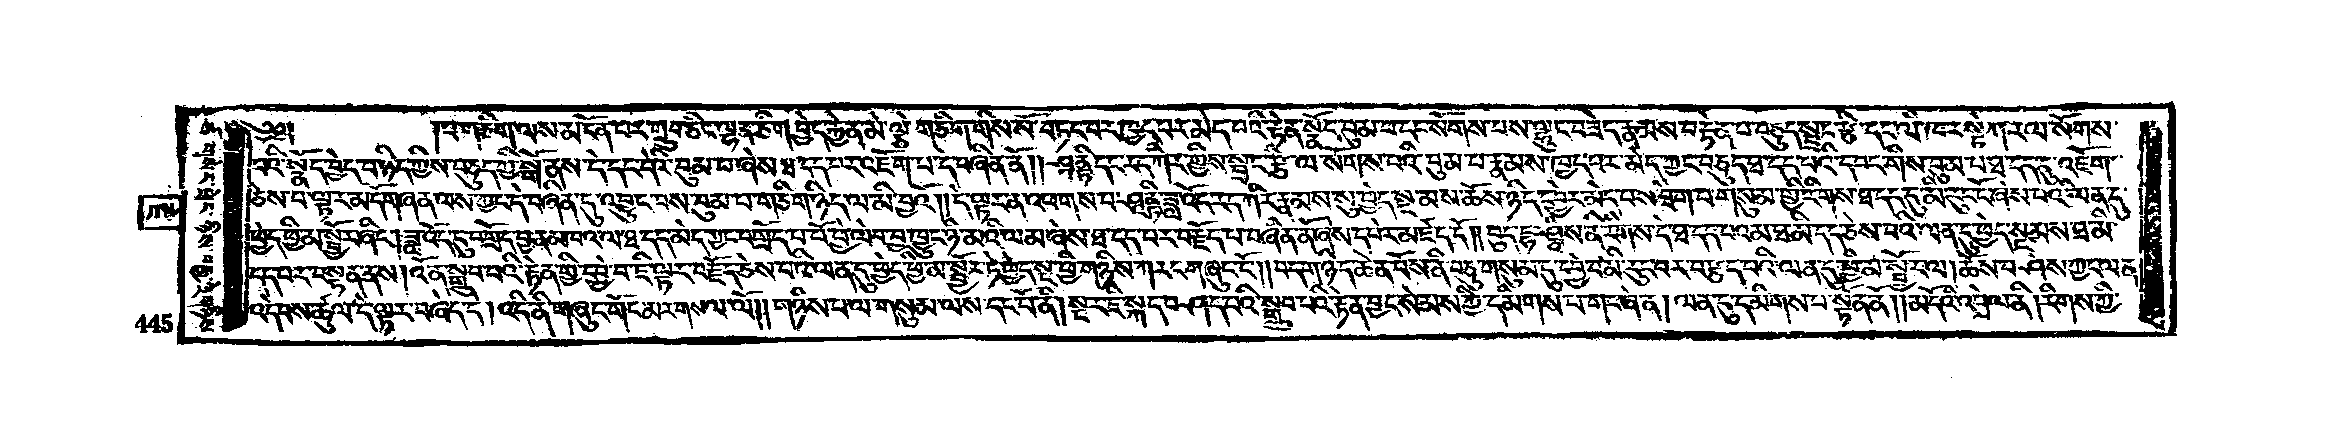༄༅། །པ་གཅིག་ལས་མངོན་པར་གྲུབ་ཅིང་ལྷན་ཅིག་བྱེད་རྐྱེན་མེ་ལྕེ་གཅིག་གིས་སོ་བཏང་བར་ཁྱད་པར་མེད་པའི་རྟེན་སྣོད་བུམ་པ་དང་སོགས་པས་ལྷུང་བཟེད་རྣམས་བརྟེན་པ་བཅུད་སྦྲང་རྩི་དང་ལི་ཁར་སྟེ་ཀར་ལ་སོགས་
པའི་སྣོད་བྱེད་པ་ཉིད་ཀྱིས་བཅུད་ཀྱི་སྒོ་ནས་དེ་དང་དེའི་བུམ་པ་ཞེས་ཐ་དད་པར་འཇོག་པ་དེ་བཞིན་ནོ། །ཤཱནྟི་དང་རད་ཀིར་གྱིས་སྦྲང་རྩི་ལ་སོགས་པའི་བུམ་པ་རྣམས་ཁྱད་པར་མེད་ཀྱང་བཅུད་ཐ་དད་པའི་དབང་གིས་བུམ་པ་ཐ་དད་དུ་འཇོག་
ཅེས་པ་ལྟར་མདོ་གཞན་ལས་ཀྱང་དེ་བཞིན་དུ་འབྱུང་བས་བུམ་པ་གཅིག་ཉིད་ལ་མི་བྱའོ། །དེ་ལྟར་ན་འཕགས་པ་ཤཱནྟི་ཟླ་འོད་རད་ཀིར་རྣམས་སུ་བྱེད་སྔ་མས་ཆོས་ཉིད་དབྱེར་མེད་པས་ཐེག་པ་གསུམ་གྱི་རིགས་ཐ་དད་དུ་མི་རུང་ངོ་ཞེས་པའི་ལན་དུ་
ཕྱེད་ཕྱི་མ་སྦྱོར་ཞིང་། ཟླ་འོད་དུ་བགྲོད་བྱ་ནམ་མཁའ་ལ་ཐ་དད་མེད་ཀྱང་བགྲོད་པ་པོ་ཕྱེ་ལེབ་བྱ་ཁྱུང་ཉི་མའི་ལམ་ཞེས་ཐ་དད་པར་བརྗོད་པ་བཞིན་ནོ་ཞེས་དཔེར་མཛོད་དོ། །བུད་དྷ་ཤྲཱིས་ནི་རིགས་དེ་ཐ་དད་པའམ་ཐ་མི་དད་ཅེས་པའི་ལན་དུ་ཕྱེད་སྔ་མས་ཐ་མི་
དད་པར་བསྟན་ནས། འོ་ན་སྒྲུབ་པའི་རྟེན་གྱི་དབྱེ་བ་ཇི་ལྟར་བརྗོད་ཅེས་པའི་ལན་དུ་ཕྱེད་ཕྱི་མ་སྦྱོར་ཏེ་ཕྱེད་སྔ་ཕྱི་གཉིས་ཀ་རང་གཞུང་ངོ། །བདག་ཉིད་ཆེན་པོས་ནི་བཅུ་གསུམ་དུ་དབྱེ་བ་མི་རུང་བར་བརྩད་པའི་ལན་དུ་ཕྱི་མ་སྦྱོར་ལ། ཆོས་བཤེས་ཀྱང་ལན་
འདེབས་ཚུལ་དེ་ལྟར་བཞེད་དེ། འདི་ནི་གཞུང་གོང་ལ་ལོ། །གཉིས་པ་ལ་གསུམ་ལས་དང་པོ་ནི། སྔར་ཇི་སྐད་བཤད་པའི་སྒྲུབ་པའི་རྟེན་བྱང་སེམས་ཀྱི་དམིགས་པ་གང་ཞེ་ན། ལན་དུ་དམིགས་པ་སྟོན་ནོ། །མདོའི་འབྲེལ་ནི། རིགས་ཀྱི་